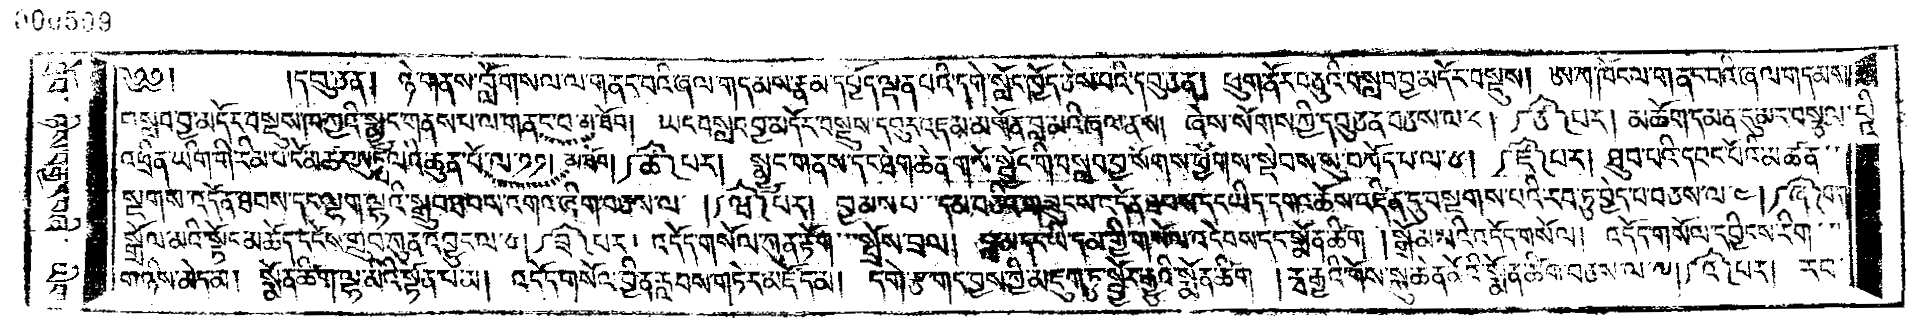༄༅། །དབུ་ཅན། ཉེ་གནས་བློ་གསལ་ལ་གནང་བའི་ཞལ་གདམས་རྣམ་དཔྱོད་ལྡན་པའི་དགེ་སློང་ཁྱོད་ཅེས་པའི་དབུ་ཅན། ཕུག་ནོར་བཅུའི་བསླབ་བྱ་མདོར་བསྡུས། ཨ་ཀ་ཁོང་ལ་གནང་བའི་ཞལ་གདམས་
བསླབ་བྱ་མདོར་བསྡུས་ཁ་ཀྱའི་སྨྱུང་གནས་པ་ལ་གནང་མ་ཐོབ།  ཡང་བསླབ་བྱ་མདོར་བསྡུས་དབུར་འཇམ་མགོན་བླ་མའི་ཞལ་ནས། ཞེས་སོགས་ཀྱི་དབུ་ཅན་བཅས་ལ ༨། ༼ཙ༽ པར། མཆོག་དམན་དུ་མར་བསྩལ་འི་
འཕྲིན་ཡིག་གི་རིམ་པ་ངོ་མཚར་ཨུཏྤལའི་ཆུན་པོ་མ་ཐོབ།  ༼ཚ༽ པར། སྨྱུང་གནས་དང་ཐེག་ཆེན་ག་སོ་སྦྱོང་གི་བསླབ་བྱ་སོགས་ཕྱོགས་བསྡེབས་སུ་བཀོད་པ་ལ ༦། ༼ཛ༽ པར། ཐུབ་པའི་དབང་པོའི་མཚན་
སྔགས་འདོན་ཐབས་དང་ལྷག་ལྷའི་སྒྲུབ་ཐབས་འགའ་ཞིག་བཅས་ལ་།༼ཝ༽ པར། བྱམས་པ་དམ་བཅའི་གཟུངས་འདོན་ཐབས་དང་ཡིད་དགའ་ཆོས་འཛིན་དུ་བསྔགས་པའི་རབ་ཏུ་བྱེད་པ་བཅས་ལ ༤། ༼ཞ༽ པར་
སྒྲོལ་མའི་སྟོང་མཆོད་དངོས་གྲུབ་ཀུན་འབྱུང་ལ ༦། ༼ཟ༽ པར། འདོད་གསོལ་ཀུན་རྟོག་སྤྲོས་བྲལ། བླ་མ་དང་ཡི་དམ་གྱི་གསོལ་འདེབས་དང་སྨོན་ཚིག །སྒྲོམ་མའི་འདོད་གསོལ། འདོད་གསོལ་དབྱིངས་རིག་
གཉིས་མེད་མ། སྨོན་ཚིག་ལྷ་མིའི་སྟོན་པ་མ། འདོད་གསོལ་བྱིན་རླབས་གཏེར་མཛོད་མ། དགེ་རྩ་གང་བྱས་ཀྱི་མཇུག་ཏུ་སྦྱོར་རྒྱུའི་སྨོན་ཚིག །རྭ་རྒྱའི་གོས་སྐུ་ཆེན་མོའི་སྨོན་ཚིག་བཅས་ལ ༧། ༼འ༽ པར། རབ་